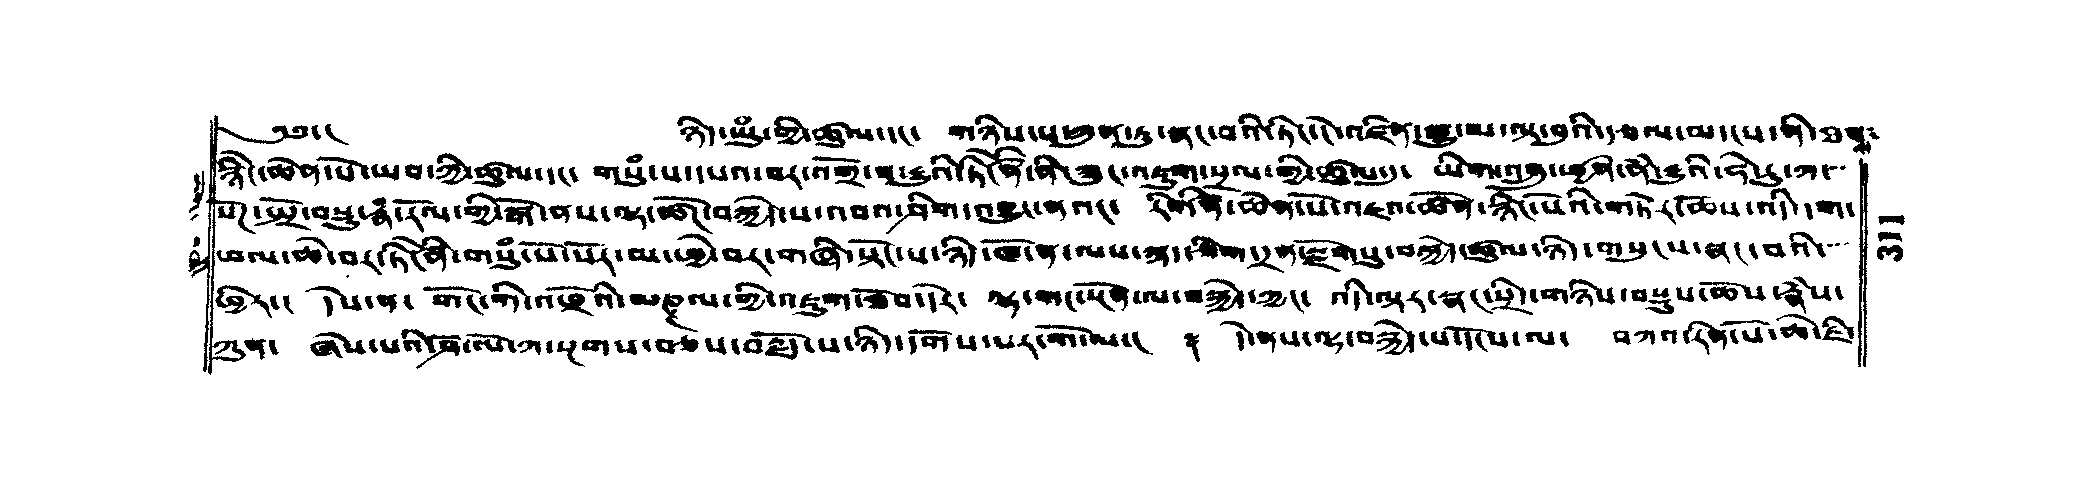ཉིད་ཡུམ་གྱི་ཚུལ་དང་། གཉིས་པ་ཀུན་ཏུ་སྣང་བའི་ཏིང་ངེ་འཛིན་སྒྱུ་མ་ལྟ་བུའི་རྩལ་མདངས་ནི་ཐབས་
སྙིང་རྗེ་ཆེན་པོ་ཐབས་ཀྱི་ཚུལ་དང་། གསུམ་པ་དཔའ་བར་འགྲོ་བ་རྒྱུའི་ཏིང་ངེ་འཛིན་ནི་ཟུང་འཇུག་སྲལ་གྱི་ཚུལ་དུ། ཡིག་འབྲུ་ཕྱག་མཚན་ནམ་རྒྱུའི་ཧེ་རུ་ཀ་
སོགས་སྤྲོ་བསྡུ་རྣམ་རོལ་གྱི་སྒོ་ནས་ལྷ་ཚོགས་བསྐྱེད་པ་འབའ་ཤིག་འབྱུང་ནའང་། རིག་འཛིན་ཆེན་པོ་འཇའ་ཚོན་སྙིང་པོའི་གཏེར་ཆོས་འདི་དག་
ཕལ་ཆེ་བར་ཏིང་འཛིན་གསུམ་སོ་སོར་མ་ཕྱེ་བར་གཞི་སྟོང་པ་ཉིད་ཁོ་ན་ལས་སྐད་ཅིག་དྲན་རྫོགས་སུ་བསྐྱེད་ཚུལ་ཉིད་གསུངས་སྣང་བའི་
ཕྱིར། དེས་ན་གོང་གི་འཕྲའི་མཎྜལ་གྱི་འཇུག་ཐོབ་དེར། ལྷ་གང་སྔོན་ལ་བསྐྱེད་ཀྱང་། འདི་ལྟར་སྣང་སྲིད་གཉིས་བསྡུས་ཆོས་རྣམས་
ཀུན། ཞེས་པའི་ཤོ་ལོ་ཀ་སྔགས་བཅས་བརྗོད་པ་ཉིད་དགོས་པར་གོ་ལ། ༈ དེ་ནས་ལྷ་བསྐྱེད་པ་དངོས་ལ། བཀའ་རིན་པོ་ཇི་